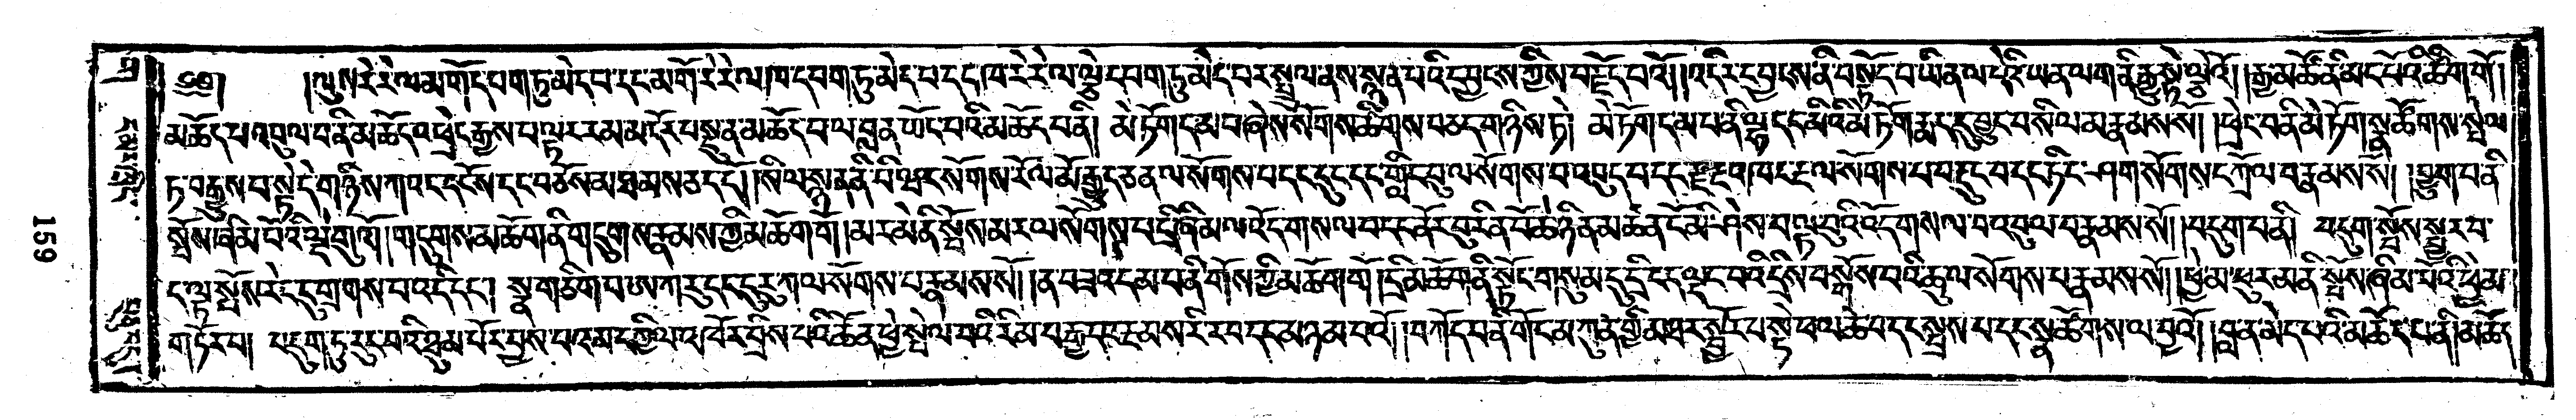༄༅། །ལུས་རེ་རེ་ལ་མགོ་དཔག་ཏུ་མེད་པ་རང་མགོ་རེ་རེ་ལ་ཁ་དཔག་ཏུ་མེད་པ་དང་ཁ་རེ་རེ་ལ་ལྕེ་དཔག་ཏུ་མེད་པར་སྤྲུལ་ནས་སྙན་པའི་དབྱངས་ཀྱིས་བརྗོད་པའོ། །འདིར་དབྱངས་ནི་བསྟོད་པ་ཡིན་ལ་དེའི་ཡན་ལག་ནི་རྒྱུ་སྟེ་ལྕེའོ། །རྒྱ་མཚོ་ནི་མང་པོའི་ཚིག་གོ།
མཆོད་པ་འབུལ་བ་ནི་མཆོད་འཕྲེང་རྒྱས་པ་ལྟར་རམ་མདོར་བསྡུ་ན་མཆོད་པ་ལ་བླ་ན་ཡོད་པའི་མཆོད་པ་ནི། མེ་ཏོག་དམ་ཞེས་སོགས་ཚིགས་བཅད་གཉིས་ཏེ། མེ་ཏོག་དམ་པ་ནི་ལྷ་དང་མིའི་མེ་ཏོག་རྨད་དུ་བྱུང་བ་སིལ་མ་རྣམས་སོ། །ཕྲེང་བ་ནི་མེ་ཏོག་སྣ་ཚོགས་སྤེལ་
ཏ་བརྒྱུས་པ་སྟེ་དེ་གཉིས་ཀའང་དངོས་དང་བཅོས་མ་ཐམས་ཅད་དོ། །སིལ་སྙན་ནི་པི་ཝང་སོགས་རོལ་མོ་རྒྱུད་ཅན་ལ་སོགས་པ་དང་དུང་དང་གླིང་བུ་ལ་སོགས་པ་འབུད་པ་དང་རྫ་རྔ་འཁང་རྔ་ལ་སོགས་པ་བརྡུང་བ་དང་ཏིང་ཤག་སོགས་དཀྲོལ་བ་རྣམས་སོ། །དབྱུག་པ་ནི་
སྤོས་ཞིམ་པོའི་ལྔ་གུའོ། །གདུགས་མཆོག་ནི་གདུགས་རྣམས་ཀྱི་མཆོག་གོ །མར་མེ་ནི་སྤོས་མར་ལ་སོགས་པ་དྲི་ཞིམ་ལ་འོད་གསལ་བ་དང་ནོར་བུ་རིན་པོ་ཆེ་ཉིན་མཚན་ངོ་མི་ཤེས་བལྟ་བུའི་འོད་གསལ་བ་འབུལ་བ་རྣམས་སོ། །བདུག་པ་ནི། བདུག་སྤོས་སྦྱར་བ་
ད་ལྟ་སྤོས་རེང་དུ་གྲགས་པ་འདི་དང་། སྣ་གཅིག་པ་ཨ་ཀ་རུ་དང་དུ་རུ་ཀ་ལ་སོགས་པ་རྣམས་སོ། །ན་བཟའ་དམ་པ་ནི་གོས་ཀྱི་མཆོག་གོ །དྲི་མཆོག་ནི་སྟོང་གསུམ་དུ་དྲི་ངད་ལྡང་བའི་དྲིས་བསྒོས་པའི་ཆུ་ལ་སོགས་པ་རྣམས་སོ། །ཕྱེ་མ་ཕུར་མ་ནི་སྤོས་ཞིམ་པོའི་ཕྱེ་མ་
གཏོར་པ། འཇུག་ཏུ་རུང་བའི་ཐུམ་པོར་བྱས་པའམ་དཀྱིལ་འཁོར་བྲིས་པའི་ཚོན་ཕྱེ་སྤེལ་བའི་རིམ་པ་རྒྱ་དང་རྔམས་རི་རབ་དང་མཉམ་པའོ། །བཀོད་པ་ནི་གོང་མ་ཀུན་གྱི་མཐར་སྦྱོར་བ་སྟེ་ཕལ་ཆེ་བ་དང་སྤྲས་པ་དང་སྣ་ཚོགས་ལ་བྱའོ། །བླ་ན་མེད་པའི་མཆོད་པ་ནི། མཆོད་